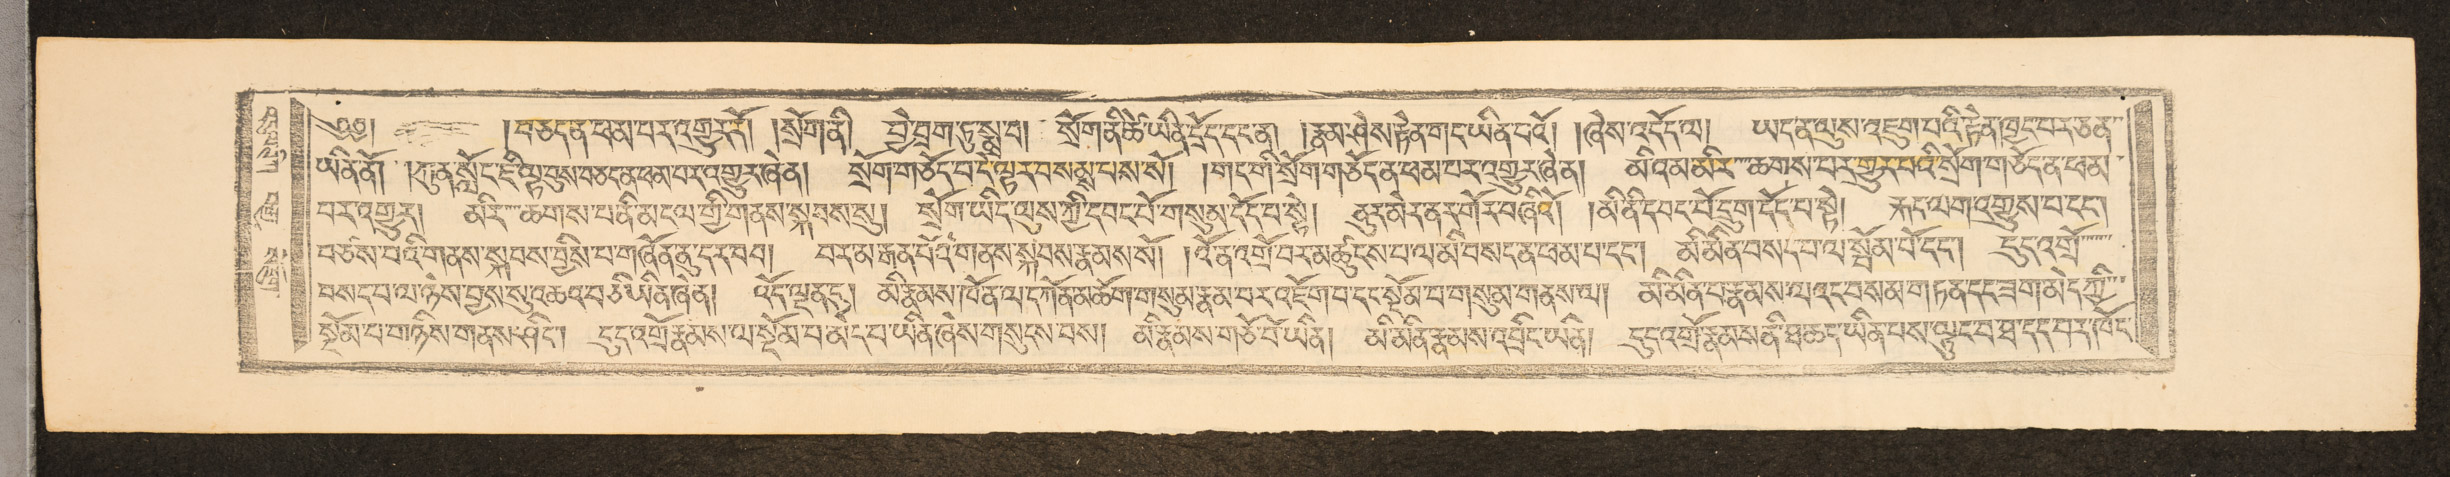༄༅། །བཅད་ན་ཕམ་པར་འགྱུར་རོ། །སྲོག་ནི། བྱེ་བྲག་ཏུ་སྨྲ་བ། སྲོག་ནི་ཚེ་ཡིན་དྲོད་དང་ནི། །རྣམ་ཤེས་རྟེན་གང་ཡིན་པའོ། །ཞེས་འདོད་ལ། ཡང་ན་ལུས་འཇུག་པའི་རྟེན་ཁྱད་པར་ཅན་
ཡིན་ནོ། །ཀུན་སློང་ཇི་ལྟ་བུས་བཅད་ན་ཕམ་པར་འགྱུར་ཞེ་ན། སྲོག་གཅོད་པ་དེ་ལྟར་བསམས་པས་སོ། །གང་གི་སྲོག་གཅོད་ན་ཕམ་པར་འགྱུར་ཞེ་ན། མི་འམ་མིར་ཆགས་པར་གྱུར་པའི་སྲོག་གཅོད་ན་ཕམ་
པར་འགྱུར། མིར་ཆགས་པ་ནི་མངལ་གྱི་གནས་སྐབས་སུ། སྲོག་ཡིད་ལུས་ཀྱི་དབང་པོ་གསུམ་དོད་པ་སྟེ། ནུར་མེར་ནར་གོར་བཞིའོ། །མི་ནི་དབང་པོ་དྲུག་དོད་པ་སྟེ། རྐད་ལག་འགྱུས་པ་དང་།
བཙས་པའི་གནས་སྐབས་བྱིས་པ་གཞོན་ནུ་དར་བབ། བར་མ་རྒན་པོའི་གནས་སྐབས་རྣམས་སོ། །འོ་ན་འགྲོ་བར་མཚུངས་པ་ལ་མི་བསད་ན་ཕམ་པ་དང་། མི་མིན་བསད་པ་ལ་སྦོམ་པོ་དང་། དུད་འགྲོ་
བསད་པ་ལ་ཉེས་བྱས་སུ་འཆའ་བ་ཅི་ཡིན་ཞེ་ན། འོད་ལྡན་དུ། མི་རྣམས་ཁོ་ན་ལ་དཀོན་མཆོག་གསུམ་རྣམ་པར་འཇོག་པ་དང་སྡོམ་པ་གསུམ་གནས་ལ། མི་མིན་པ་རྣམས་ལའང་བསམ་གཏན་དང་ཟག་མེད་ཀྱི་
སྡོམ་པ་གཉིས་གནས་ཤིང་། དུད་འགྲོ་རྣམས་ལ་སྡོམ་པ་མེད་པ་ཡིན་ཞེས་གསུངས་པས། མི་རྣམས་གཙོ་བོ་ཡིན། མི་མིན་རྣམས་འབྲིང་ཡིན། དུད་འགྲོ་རྣམས་ནི་ཐ་ཆད་ཡིན་པས་ལྟུང་བ་ཐ་དད་པར་ཁོང་